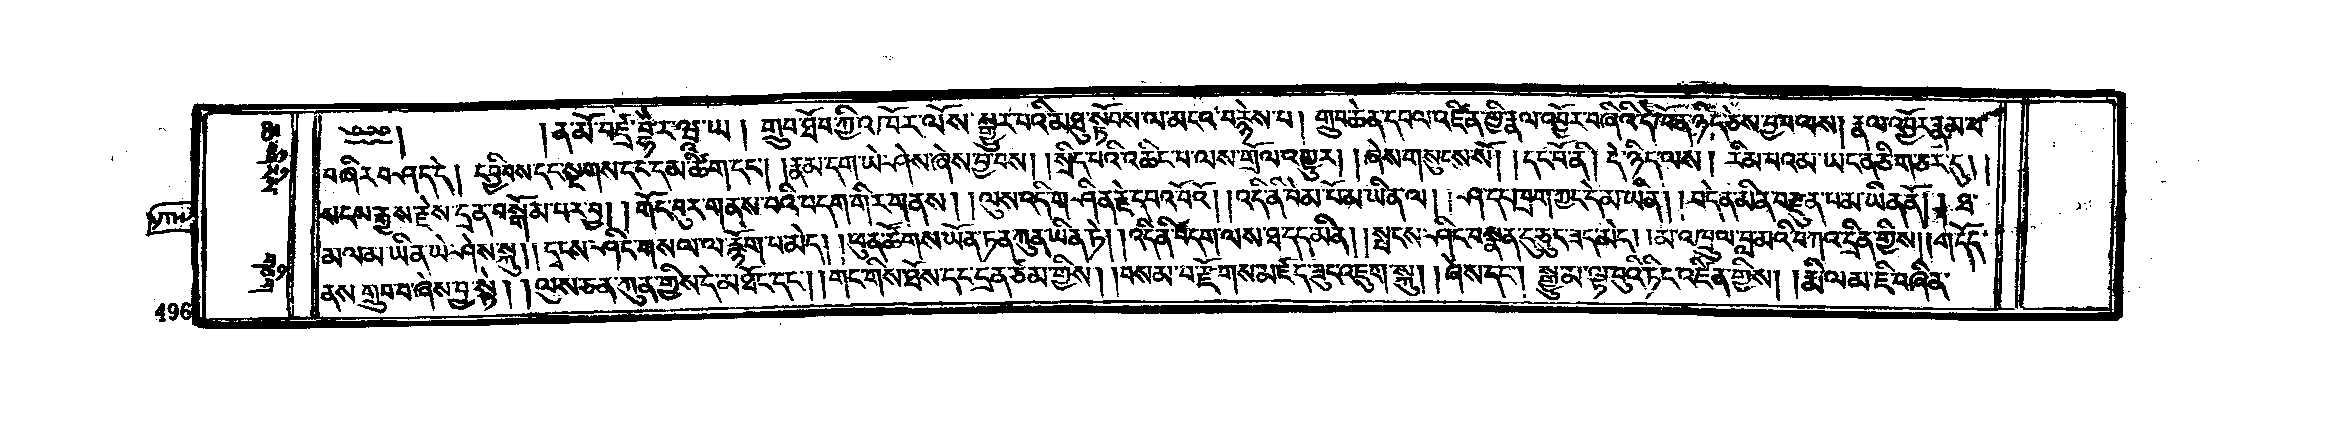༄༅༅། །ན་མོ་བཛྲ་བྷཻ་ར་ཝཱ་ཡ། གྲུབ་ཐོབ་ཀྱི་འཁོར་ལོས་སྒྱུར་བའི་མཐུ་སྟོབས་ལ་མངའ་བརྙེས་པ། གྲུབ་ཆེན་དཔལ་འཛིན་གྱི་རྣལ་འབྱོར་བཞིའི་དེ་ཁོ་ན་ཉིད་ཅེས་བྱ་བ་ལས། རྣལ་འབྱོར་རྣམ་པ་
བཞིར་བཤད་དེ། དབྱིབས་དང་སྔགས་དང་དམ་ཚིག་དང་། །རྣམ་དག་ཡེ་ཤེས་ཞེས་བྱ་བས། །སྲིད་པའི་འཆིང་བ་ལས་གྲོལ་འགྱུར། །ཞེས་གསུངས་སོ། །དང་པོ་ནི། དེ་ཉིད་ལས། རིམ་པའམ་ཡང་ན་ཅིག་ཅར་དུ། །
སངས་རྒྱས་རྗེས་དྲན་བསྒོམ་པར་བྱ། །གོང་བུར་གནས་པའི་བདག་གིར་གནས། །ལུས་འདི་གཤིན་རྗེ་དཔའ་བོའོ། །འདི་ནི་བེམ་པོ་མ་ཡིན་ལ། །ཤ་དང་ཁྲག་ཀྱང་དེ་མ་ཡིན། །བདེན་མིན་བརྫུན་པ་མ་ཡིན་ནོ། །ཐ་
མལ་མ་ཡིན་ཡེ་ཤེས་སྐུ། །དྭངས་ཤིང་གསལ་ལ་རྙོག་པ་མེད། །ཕུན་ཚོགས་ཡོན་ཏན་ཀུན་ཡིན་ཏེ། །འདི་ནི་བདག་ལས་ཐ་དད་མིན། །སྤངས་ཤིང་བསྣན་དུ་ཅུང་ཟད་མེད། །མ་འཁྲུལ་བླ་མའི་བཀའ་དྲིན་གྱིས། །གདོད་
ནས་གྲུབ་པ་ཞེས་བྱ་སྟེ། །ལུས་ཅན་ཀུན་གྱིས་དེ་མཐོང་དང་། །གང་གིས་ཐོས་དང་དྲན་ཙམ་གྱིས། །བསམ་བ་རྫོགས་མཛད་ཟུང་འཇུག་སྐུ། །ཞེས་དང་། སྒྱུ་མ་ལྟ་བུའི་ཏིང་འཛིན་གྱིས། །རྨི་ལམ་ཇི་བཞིན་